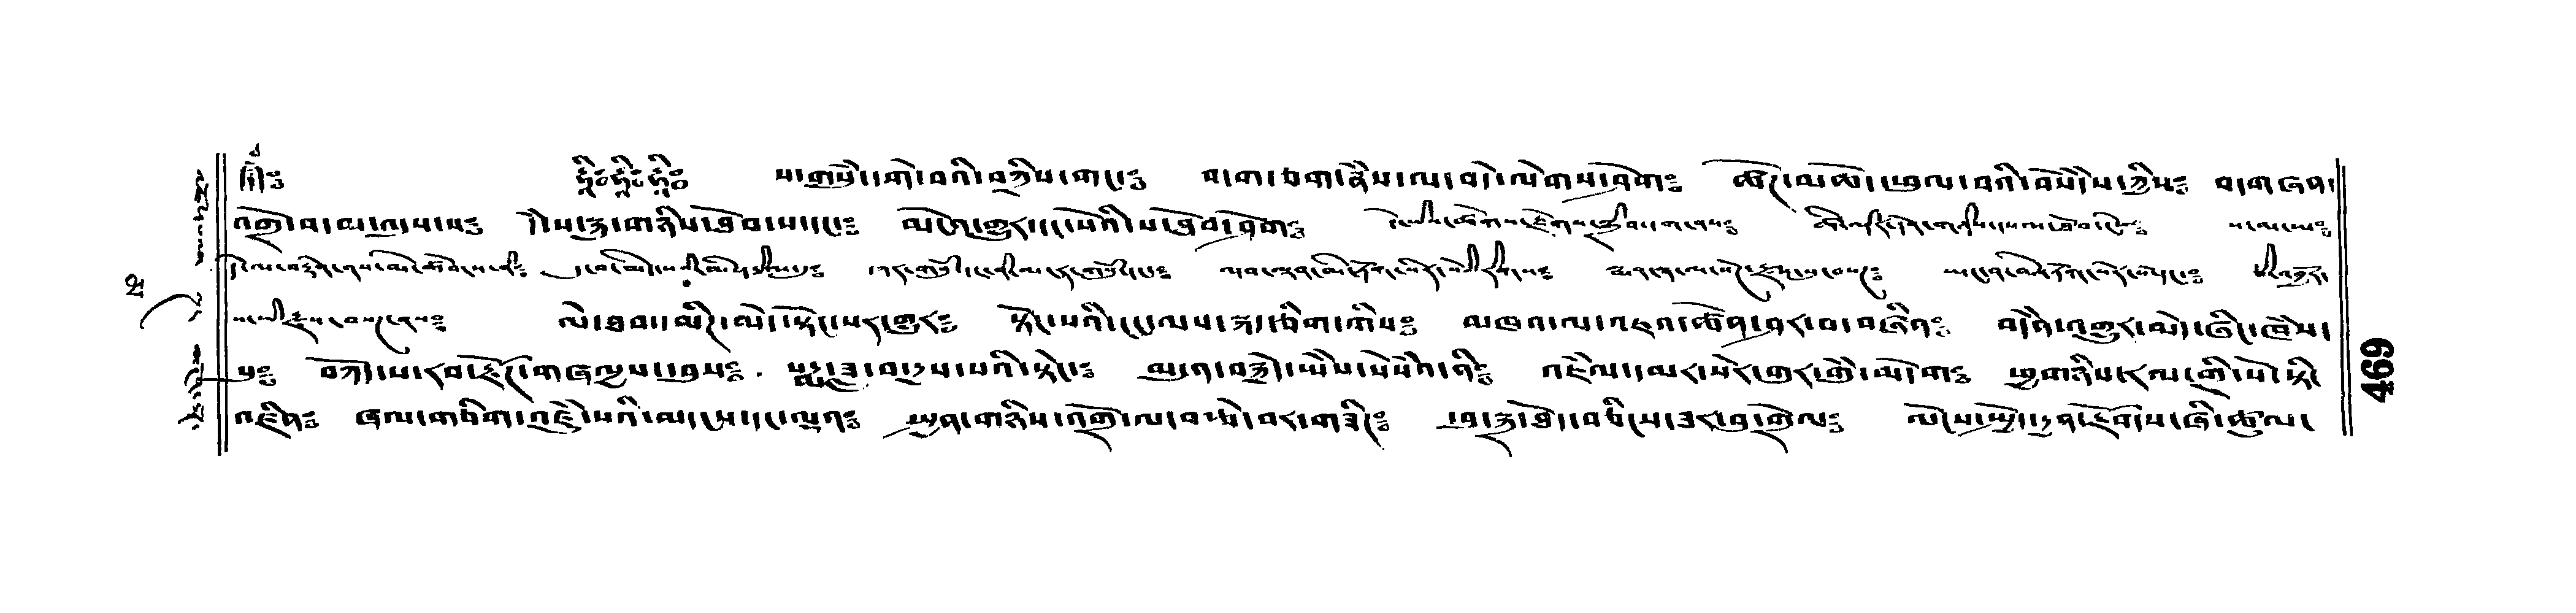དྷཱིཿདྷཱིཿདྷཱིཿ ས་གསུམ་དགེ་བའི་བཀྲ་ཤིས་གང༔ བདག་ཅག་རྣམས་ལ་བདེ་ལེགས་ཤོག༔ ཚོགས་མཆོད་ཕུལ་བའི་བསོད་ནམས་ཀྱིས༔ བདག་གཞན་
འགྲོ་བ་མ་ལུས་པ༔ དམ་པ་སྐུ་གཉིས་ཐོབ་པ་དང༔ མངོན་གྱུར་དང་པོའི་ས་ཐོབ་ཤོག༔ དེ་ཡིས་ཚོགས་རྫོགས་སྒྲིབ་དག་ནས༔ ཚེ་འདིར་དོན་གཉིས་དཔལ་ཐོབ་ངེས༔ ས་མ་ཡ༔ 
དེ་ལ་བརྟེན་ནས་མེ་ཚོགས་ནི༔ དུ་བ་མེད་པའི་མེ་དཀྱིལ་དུ༔ དཀར་གསུམ་དང་ནི་མངར་གསུམ་དང༔ འདབ་ལྡན་མེ་ཏོག་སེར་པོའི་རིགས༔ སྨན་སྣ་ལ་སོགས་རྫས་སུ་བསགས༔ ཡང་ན་མེ་ཏོག་སེར་པོ་དང༔ ཅི་འབྱོར་
པ་ཡི་རྫས་བསགས་ནས༔ མེ་ཐབ་དམིགས་མེད་སྟོང་པ་གྱུར༔ སྟོང་པའི་ངང་ལས་སྐད་ཅིག་གིས༔ མཁའ་ལ་འཇའ་ཚོན་ཤར་བ་བཞིན༔ བདེ་ཆེན་འགྱུར་མེད་ཞིང་ཁམས་
སུ༔ བཀོད་པ་རབ་རྫོགས་གཞལ་ཡས་དབུས༔ པདྨ་ཟླ་བ་རྒྱས་པའི་སྟེང༔ མདུན་བསྐྱེད་ཡེ་ཤེས་སེམས་དཔའ་ནི༔ འཇམ་དཔལ་དམར་སེར་གུར་གུམ་མདོག༔ ཕྱག་གཉིས་རལ་གྲི་པོ་སྟི་
འཛིན༔ ཞལ་གཅིག་འཛུམ་པའི་མདངས་དང་ལྡན༔ སྤྱན་གཉིས་འགྲོ་ལ་བརྩེ་བར་གཟིགས༔ དབུ་སྐྲ་ཐོད་བཅིངས་ཟར་བུ་གྲོལ༔ ལོངས་སྤྱོད་རྒྱན་རྫོགས་ཞི་ཚུལ་